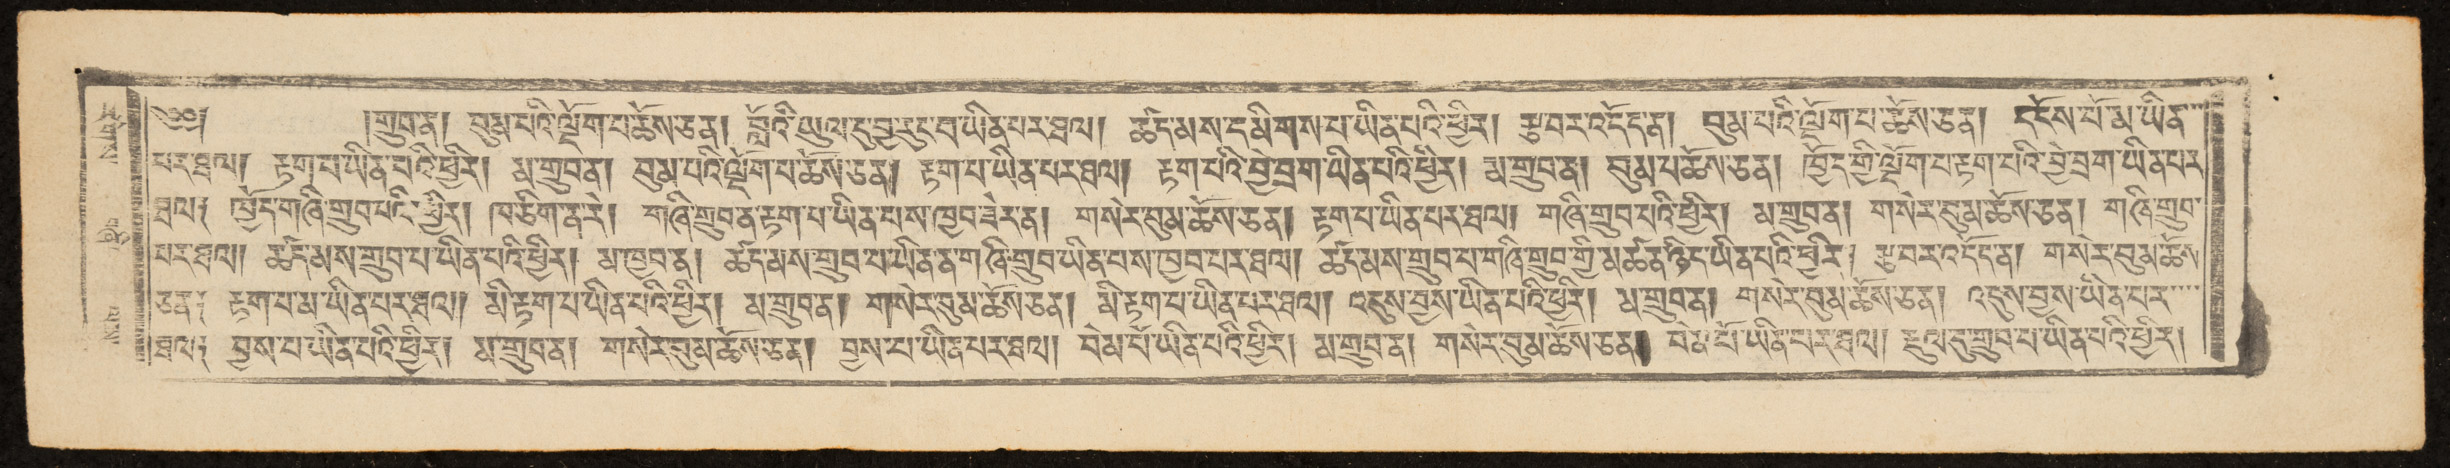༄༅། །གྲུབ་ན། བུམ་པའི་ལྡོག་པ་ཆོས་ཅན། བློའི་ཡུལ་དུ་བྱ་རུང་བ་ཡིན་པར་ཐལ། ཚད་མས་དམིགས་པ་ཡིན་པའི་ཕྱིར། རྩ་བར་འདོད་ན། བུམ་པའི་ལྡོག་པ་ཆོས་ཅན། དངོས་པོ་མ་ཡིན་
པར་ཐལ། རྟག་པ་ཡིན་པའི་ཕྱིར། མ་གྲུབ་ན། བུམ་པའི་ལྡོག་པ་ཆོས་ཅན། རྟག་པ་ཡིན་པར་ཐལ། རྟག་པའི་བྱེ་བྲག་ཡིན་པའི་ཕྱིར། མ་གྲུབ་ན། བུམ་པ་ཆོས་ཅན། ཁྱོད་ཀྱི་ལྡོག་པ་རྟག་པའི་བྱེ་བྲག་ཡིན་པར་
ཐལ། ཁྱོད་གཞི་གྲུབ་པའི་ཕྱིར། ཁ་ཅིག་ན་རེ། གཞི་གྲུབ་ན་རྟག་པ་ཡིན་པས་ཁྱབ་ཟེར་ན། གསེར་བུམ་ཆོས་ཅན། རྟག་པ་ཡིན་པར་ཐལ། གཞི་གྲུབ་པའི་ཕྱིར། མ་གྲུབ་ན། གསེར་བུམ་ཆོས་ཅན། གཞི་གྲུབ་
པར་ཐལ། ཚད་མས་གྲུབ་པ་ཡིན་པའི་ཕྱིར། མ་ཁྱབ་ན། ཚད་མས་གྲུབ་པ་ཡིན་ན་གཞི་གྲུབ་ཡིན་པས་ཁྱབ་པར་ཐལ། ཚད་མས་གྲུབ་པ་གཞི་གྲུབ་ཀྱི་མཚན་ཉིད་ཡིན་པའི་ཕྱིར། རྩ་བར་འདོད་ན། གསེར་བུམ་ཆོས་
ཅན། རྟག་པ་མ་ཡིན་པར་ཐལ། མི་རྟག་པ་ཡིན་པའི་ཕྱིར། མ་གྲུབ་ན། གསེར་བུམ་ཆོས་ཅན། མི་རྟག་པ་ཡིན་པར་ཐལ། འདུས་བྱས་ཡིན་པའི་ཕྱིར། མ་གྲུབ་ན། གསེར་བུམ་ཆོས་ཅན། འདུས་བྱས་ཡིན་པར་
ཐལ། བྱས་པ་ཡིན་པའི་ཕྱིར། མ་གྲུབ་ན། གསེར་བུམ་ཆོས་ཅན། བྱས་པ་ཡིན་པར་ཐལ། བེམ་པོ་ཡིན་པའི་ཕྱིར། མ་གྲུབ་ན། གསེར་བུམ་ཆོས་ཅན། བེམ་པོ་ཡིན་པར་ཐལ། རྡུལ་དུ་གྲུབ་པ་ཡིན་པའི་ཕྱིར།